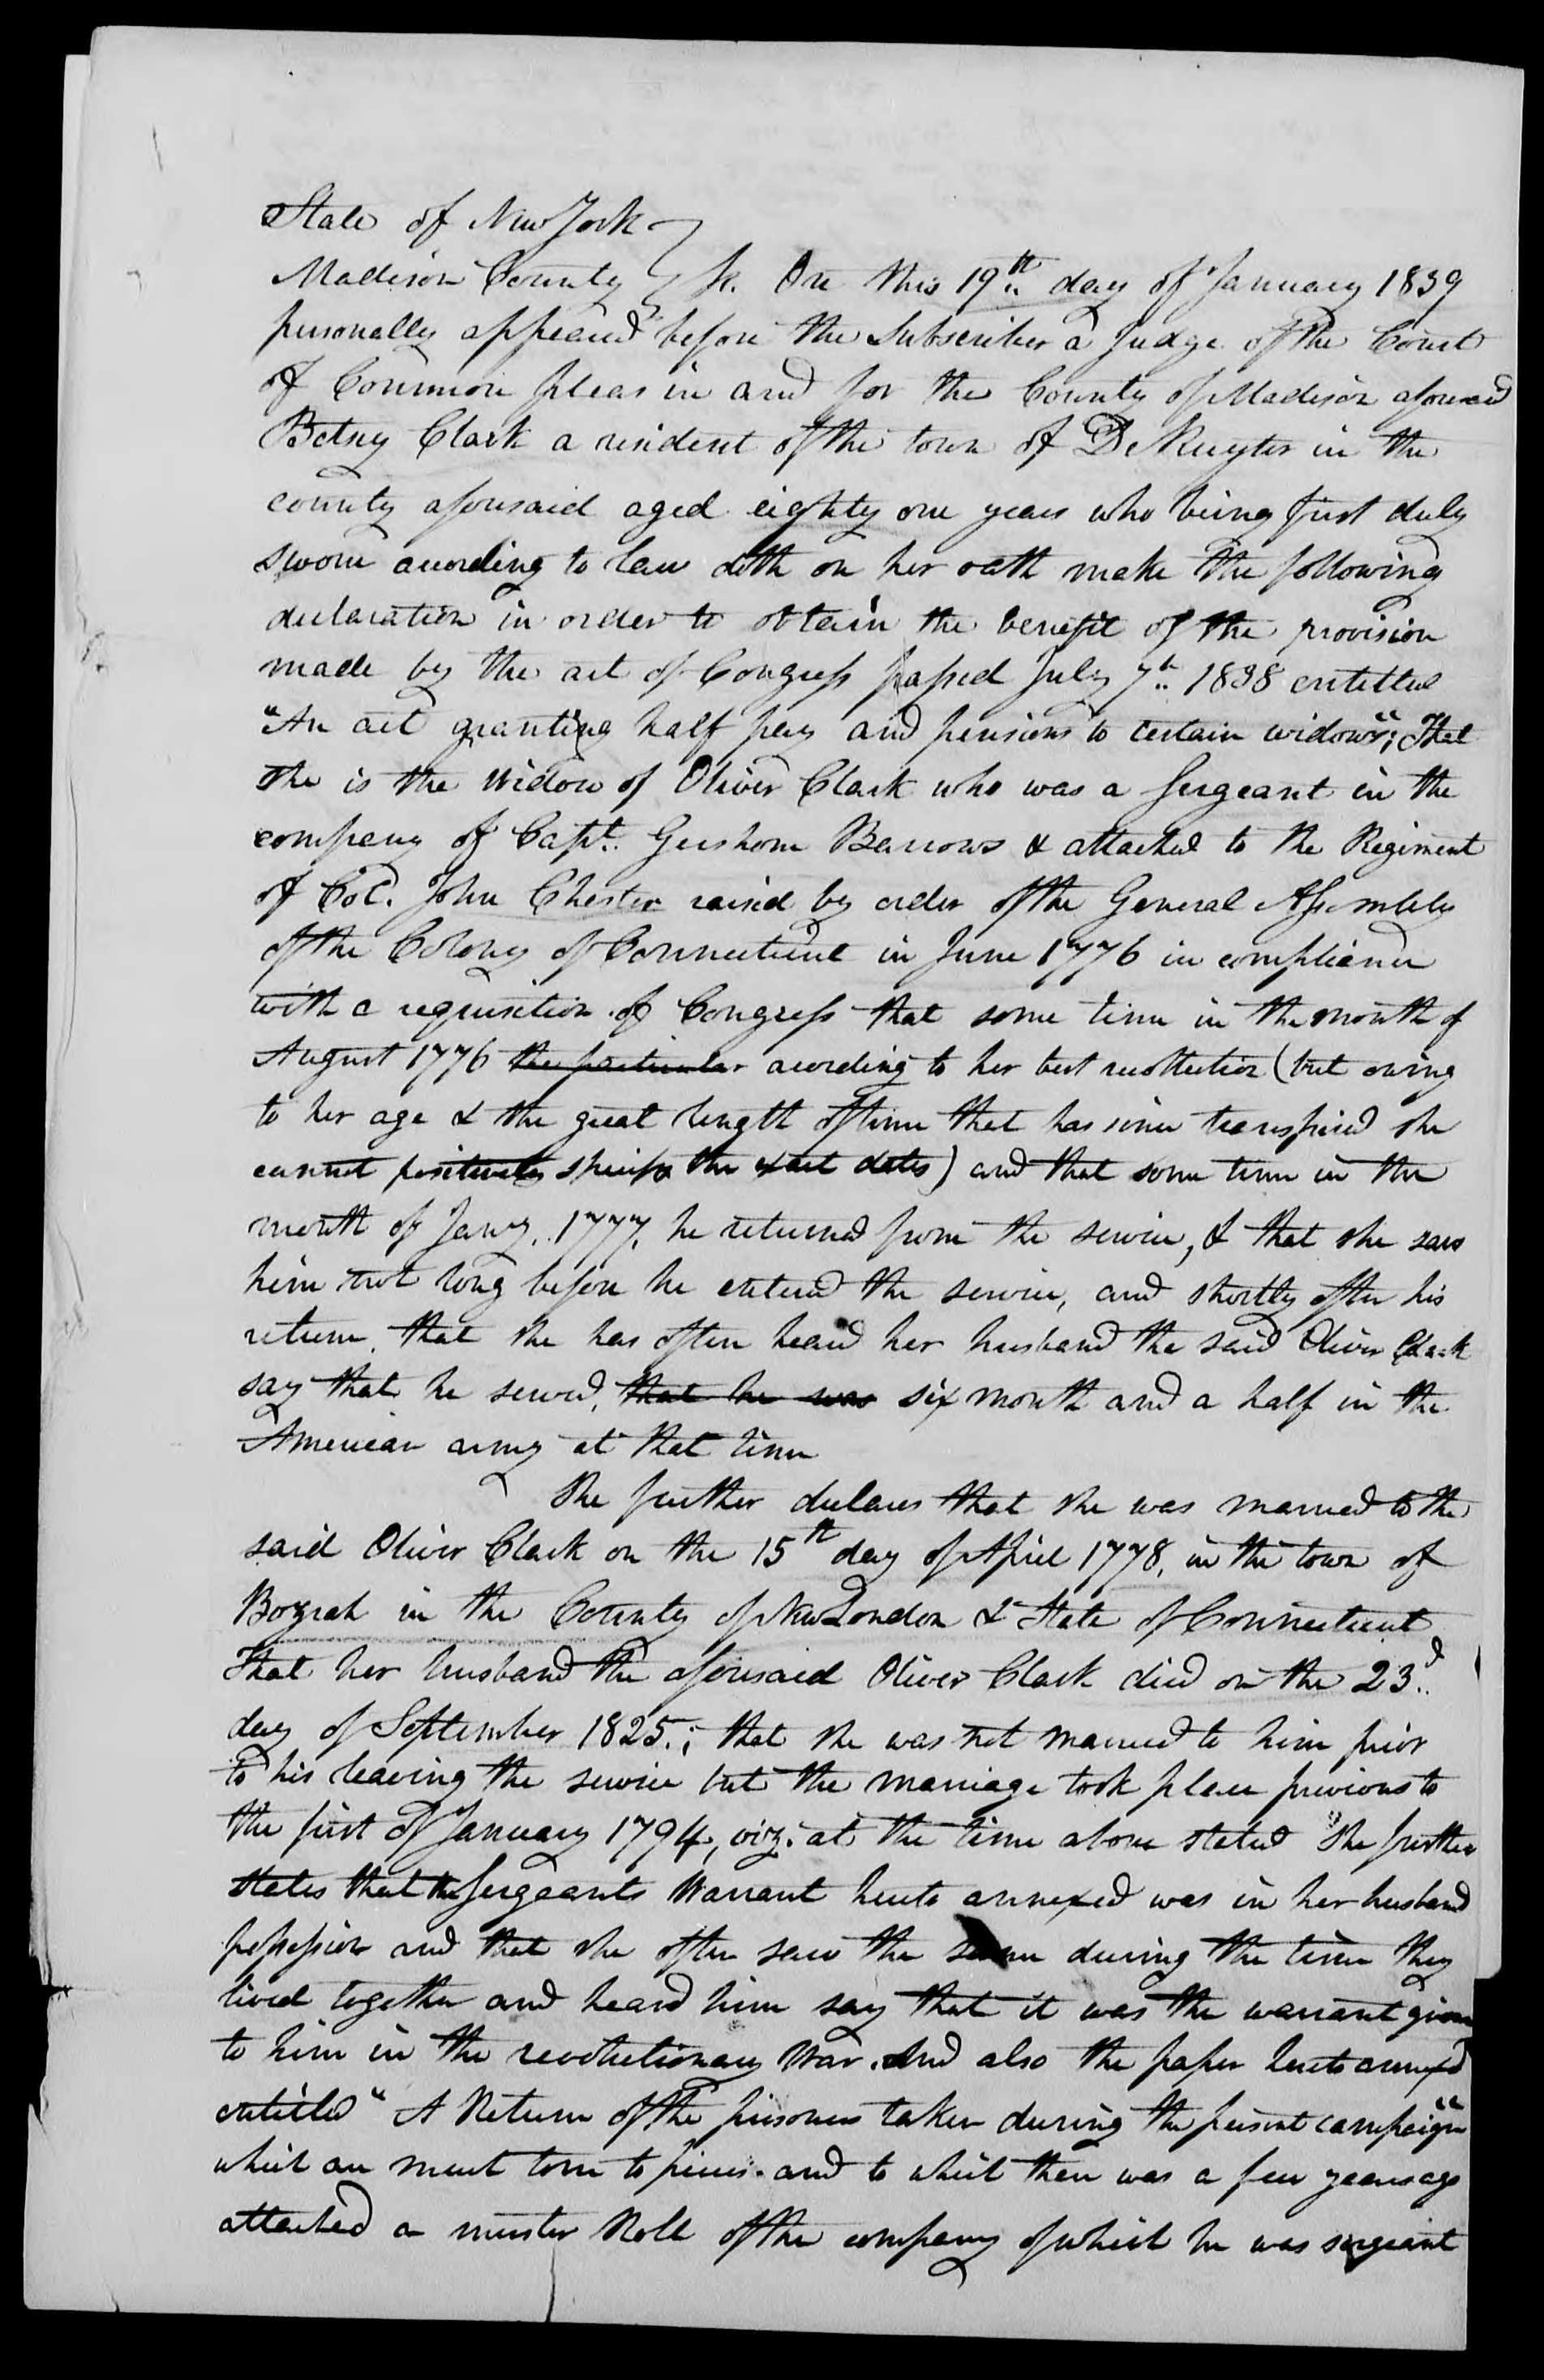[handwritten]
State of New York
Madison County ss
On this 19th day of January 1839 personally appeared before the Subscriber a Judge of the Court of Common Pleas in and for the County of Madison aforesaid Betsy Clark a resident of the town of DeRuyter in the county aforesaid aged eighty one years who being first duly sworn according to law doth on her oath make the following declaration in order to obtain the benefit of the provision made by the act of Congress passed July 4th 1838 entitle “An act granting half pay and pensions to certain widows”; That she is the Widow of Oliver Clark who was a Sergeant in the company of Capt Gersham Barrows & attached to the Regiment of Col. John Chester raised by order of the General Assembly of the Colony of Connecticut in June 1776 in compliance with a requisition of Congress that some time in the month of August 1776 according to her best recollection (but owing to her age & the great length of time that has now transpired she cannot positively specify the exact dates) and that some time in the month of January 1777, he returned from the service, & that she saw him not long before he entered the service, and shortly after his return. That she has often heard her husband the said Oliver Clark say that he served six moths and a half in the American army at that time.
She further declares that she was married to the said Oliver Clark on the 15th day of April 1778 in the town of Bozrah in the County of New London & State of Connecticut  That her husband the aforesaid Oliver Clark died on the 23d day of September 1825; that she was not married to him prior to his leaving the service but the marriage took place previous to the first of January 1794, viz. at the time above stated  She further states that the Sergeants Warrant hereto annexed was in her husbands possessions and the she often saw the same during the time they lived together and heard him say that it was the warrant given to him in the revolutionary war. And also the paper hereto annexed entitled “ A Return of the prisoners taken during the present campaign” which an [illegible] torn to pieces and to which then was a few years ago attached a muster Roll of the company of which he was sergeant.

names: Gershom Barrows, Betsey Clark, Oliver Clark, Oliver Clark, John Chester, Oliver Clark, Oliver Clark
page: 3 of 51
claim: widow's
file: W. 23816, Oliver Clark, Conn.